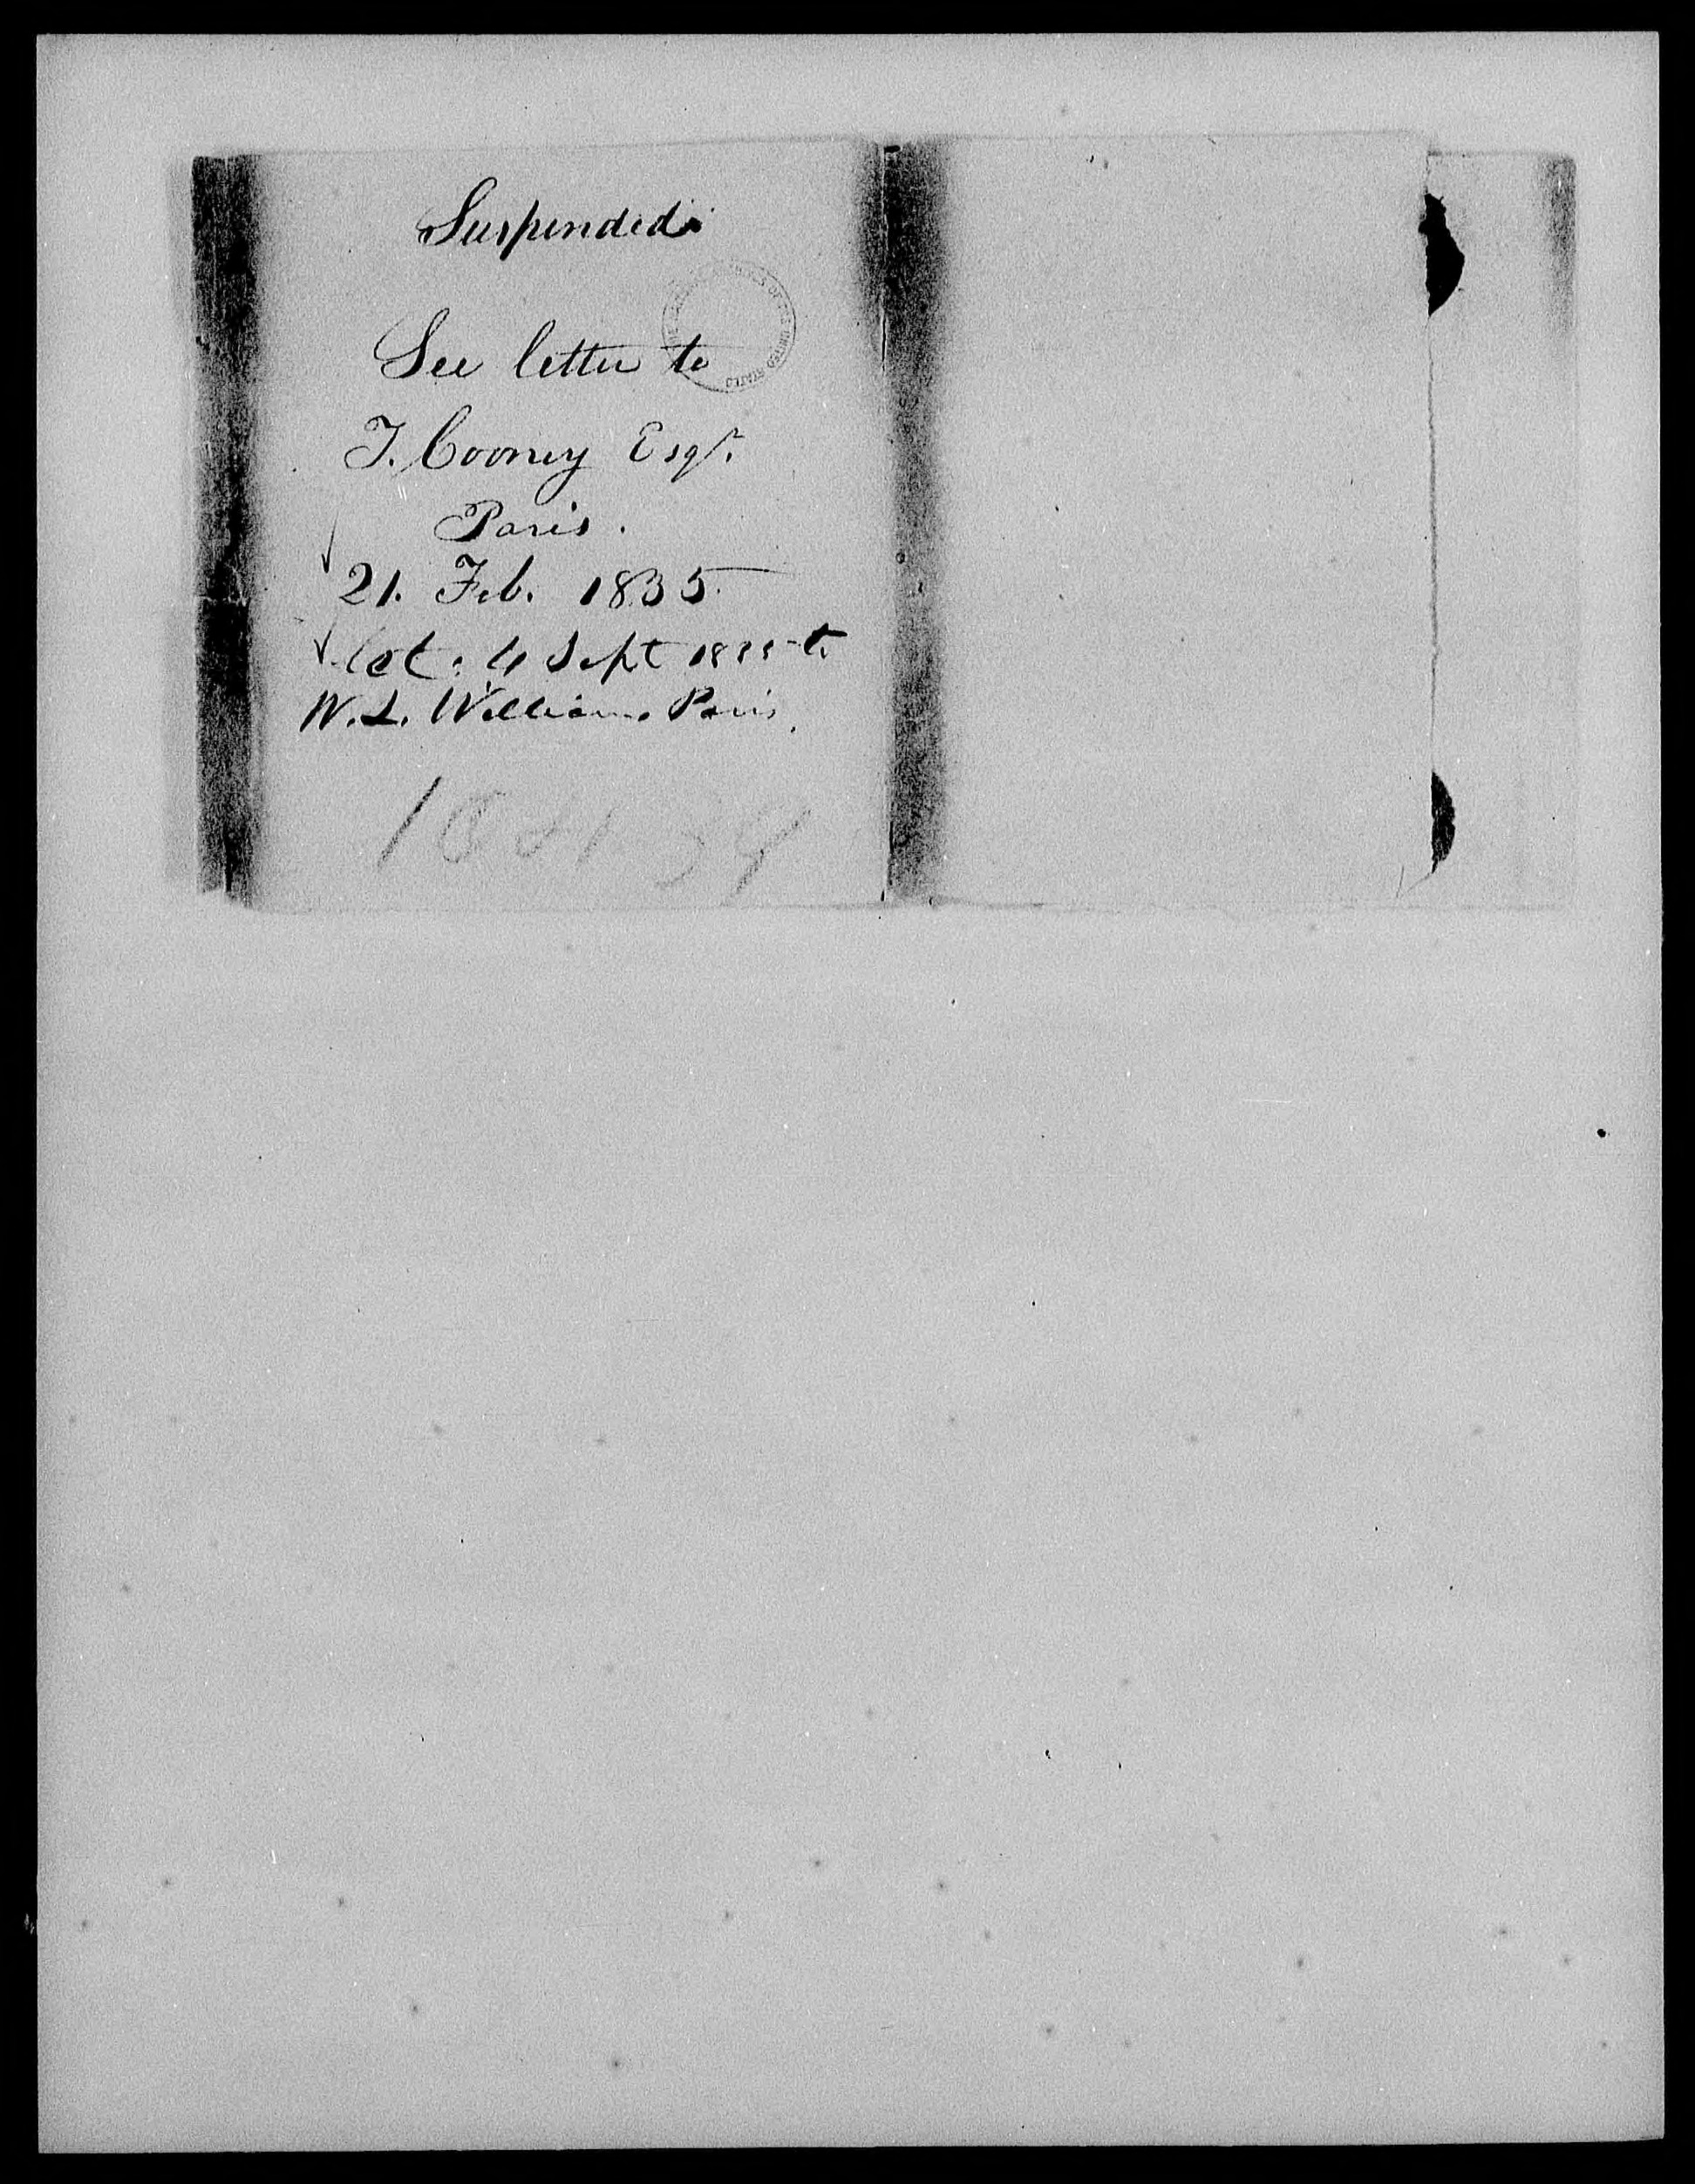Suspended
See letter to T. Cooney Esqr.
Paris
21. Feb. 1835
let. 4 Sept 1835 to W. L. Williams Paris
10439
[stamp] THE NATIONAL ARCHIVES OF THE UNITED STATES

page: 22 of 33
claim: rejected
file: R 10439, for William Taylor, North Carolina